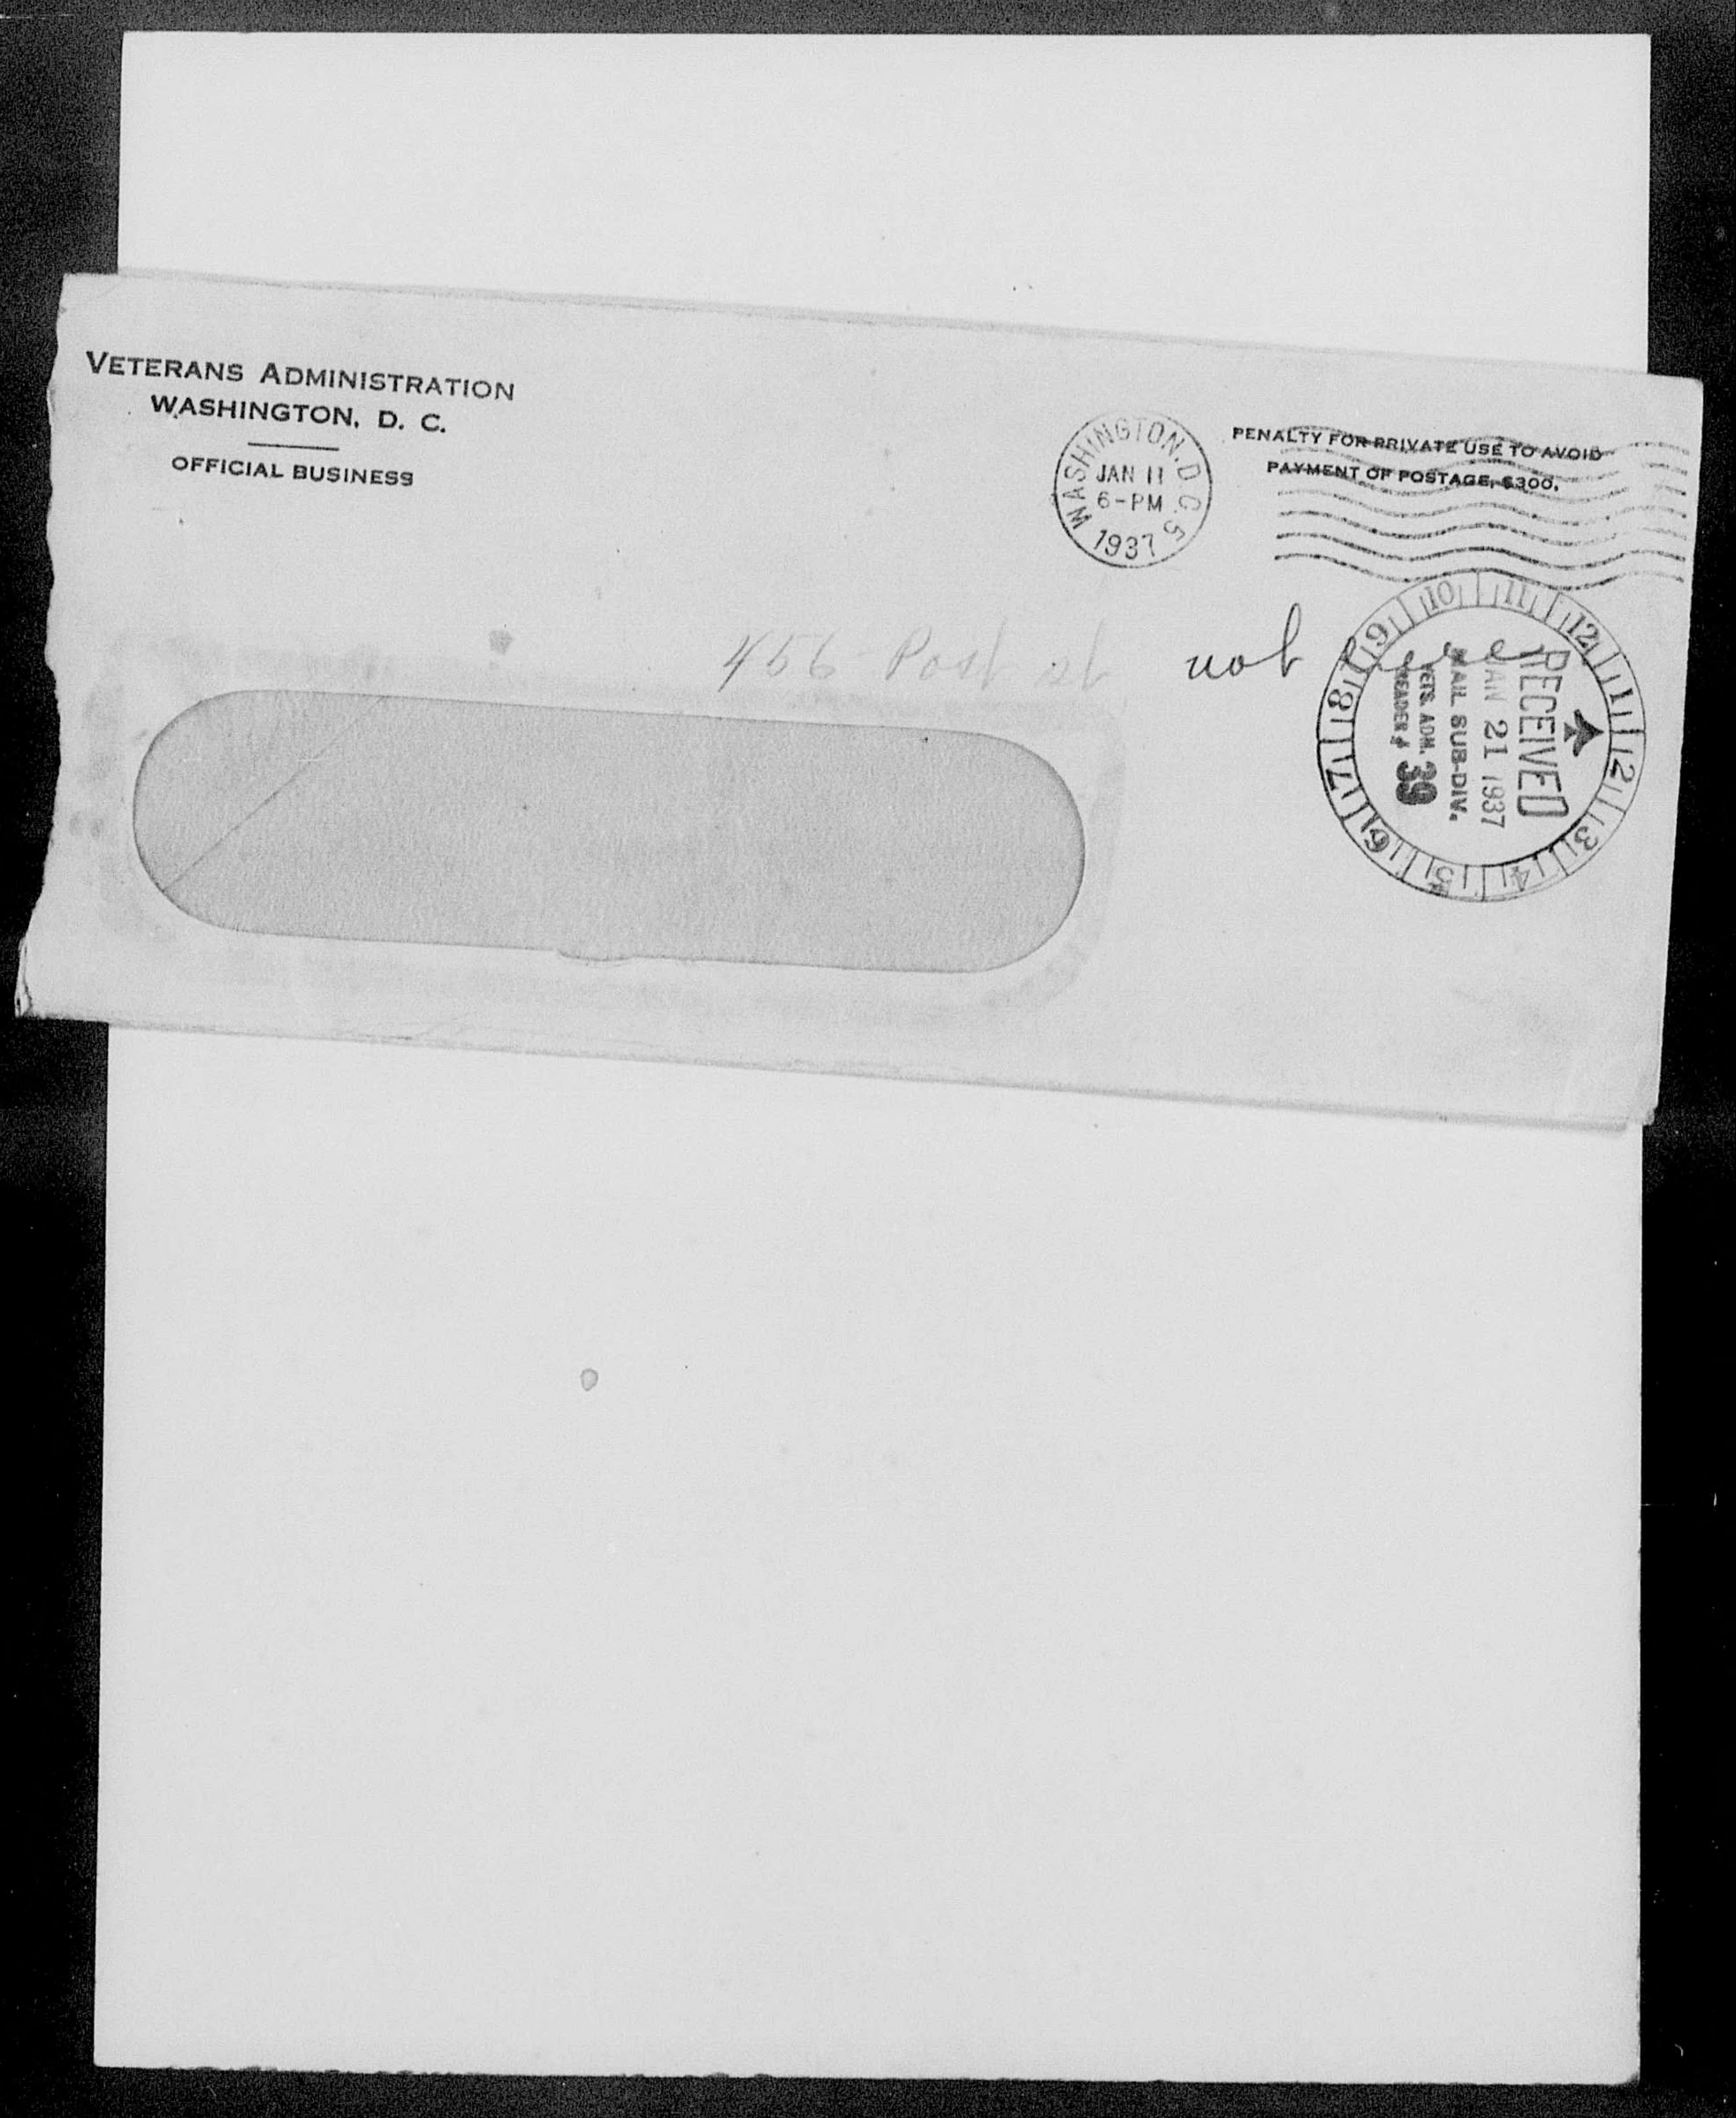[scan of envelope with postage stamped and clear window for recipient]

Veterans Administration 
Washington, D.C.
Official Business


[stamped]
Washington DC.5 1937

[stamped top right corner]
Penalty for Private use to avoid
payment of postage, $300.

[stamped]
Received
Jan 21 1937
Mail Sub-Division.
Vets Adm.
Reader # 39

456 Post St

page: 32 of 86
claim: widow's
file: W. 6899, James Carrell, N.C.